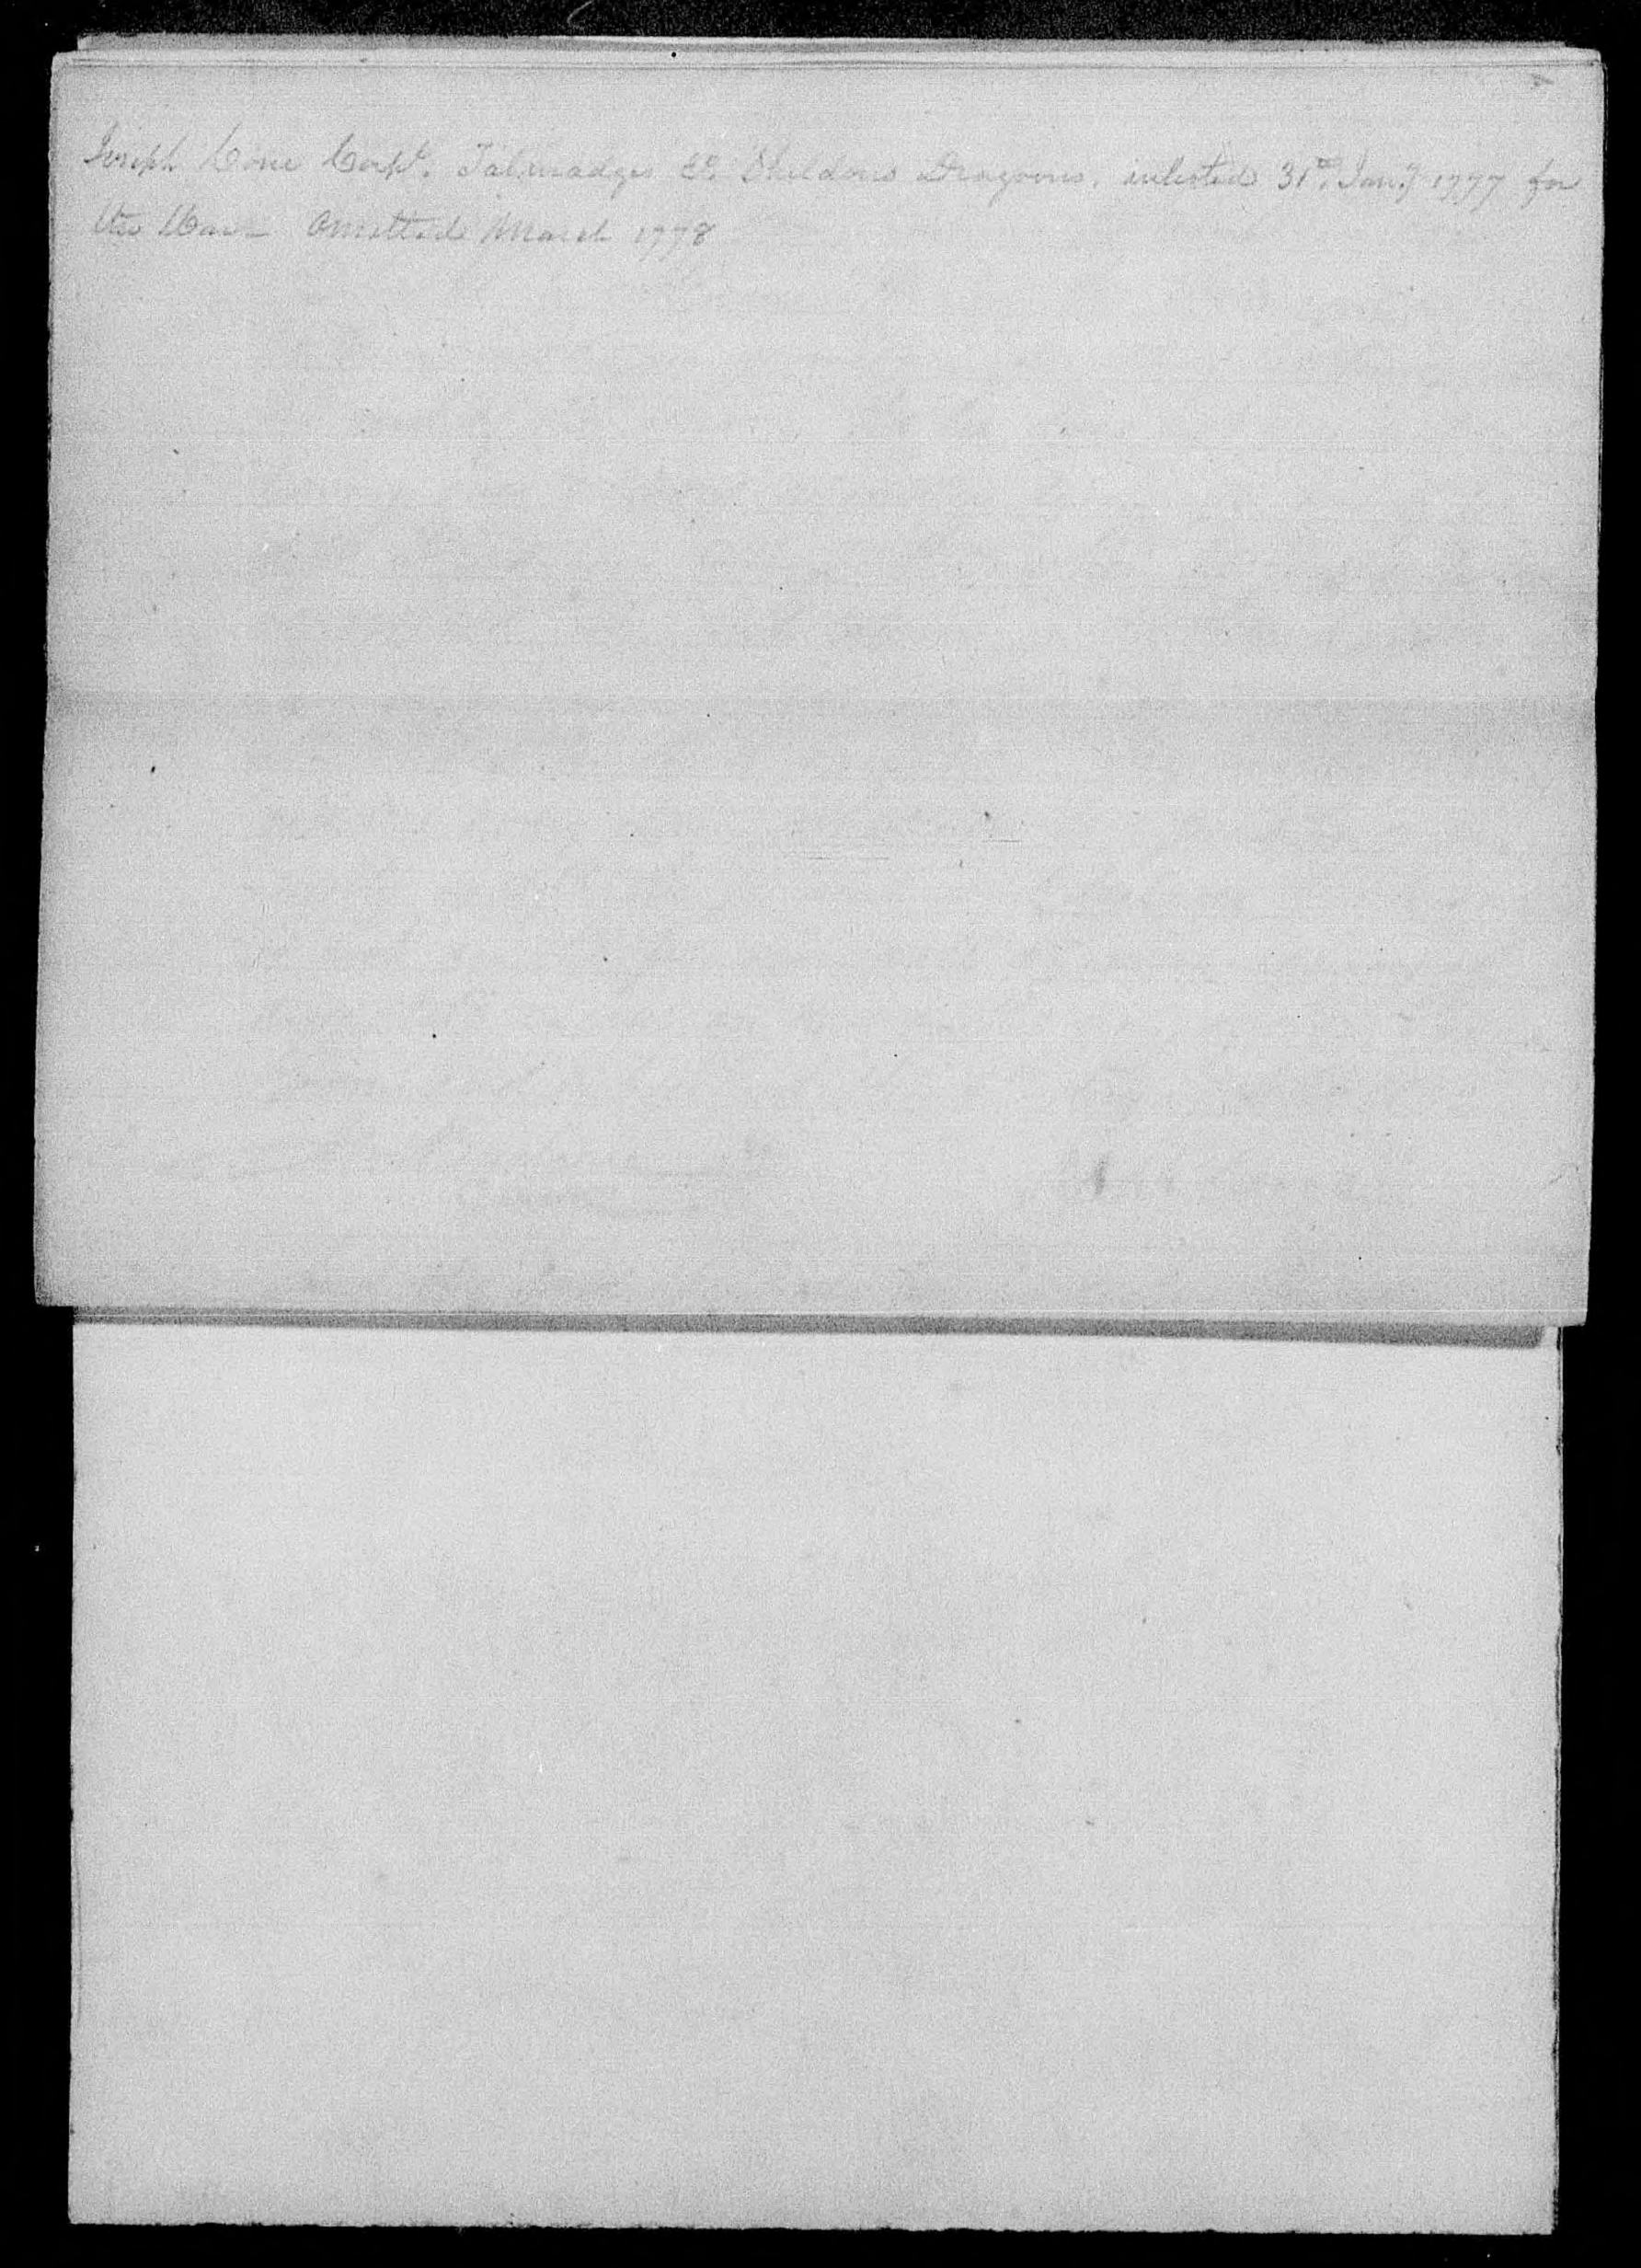Joseph Cone Capt. Talmadge ES Sheldons Dragoons, enlisted 31st Jany. 1777 for the War - omitted March 1778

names: Sheldons, Joseph Cone, Talmadge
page: 4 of 28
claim: survivor's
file: S. 12569, Joseph Cone, Conn Continental